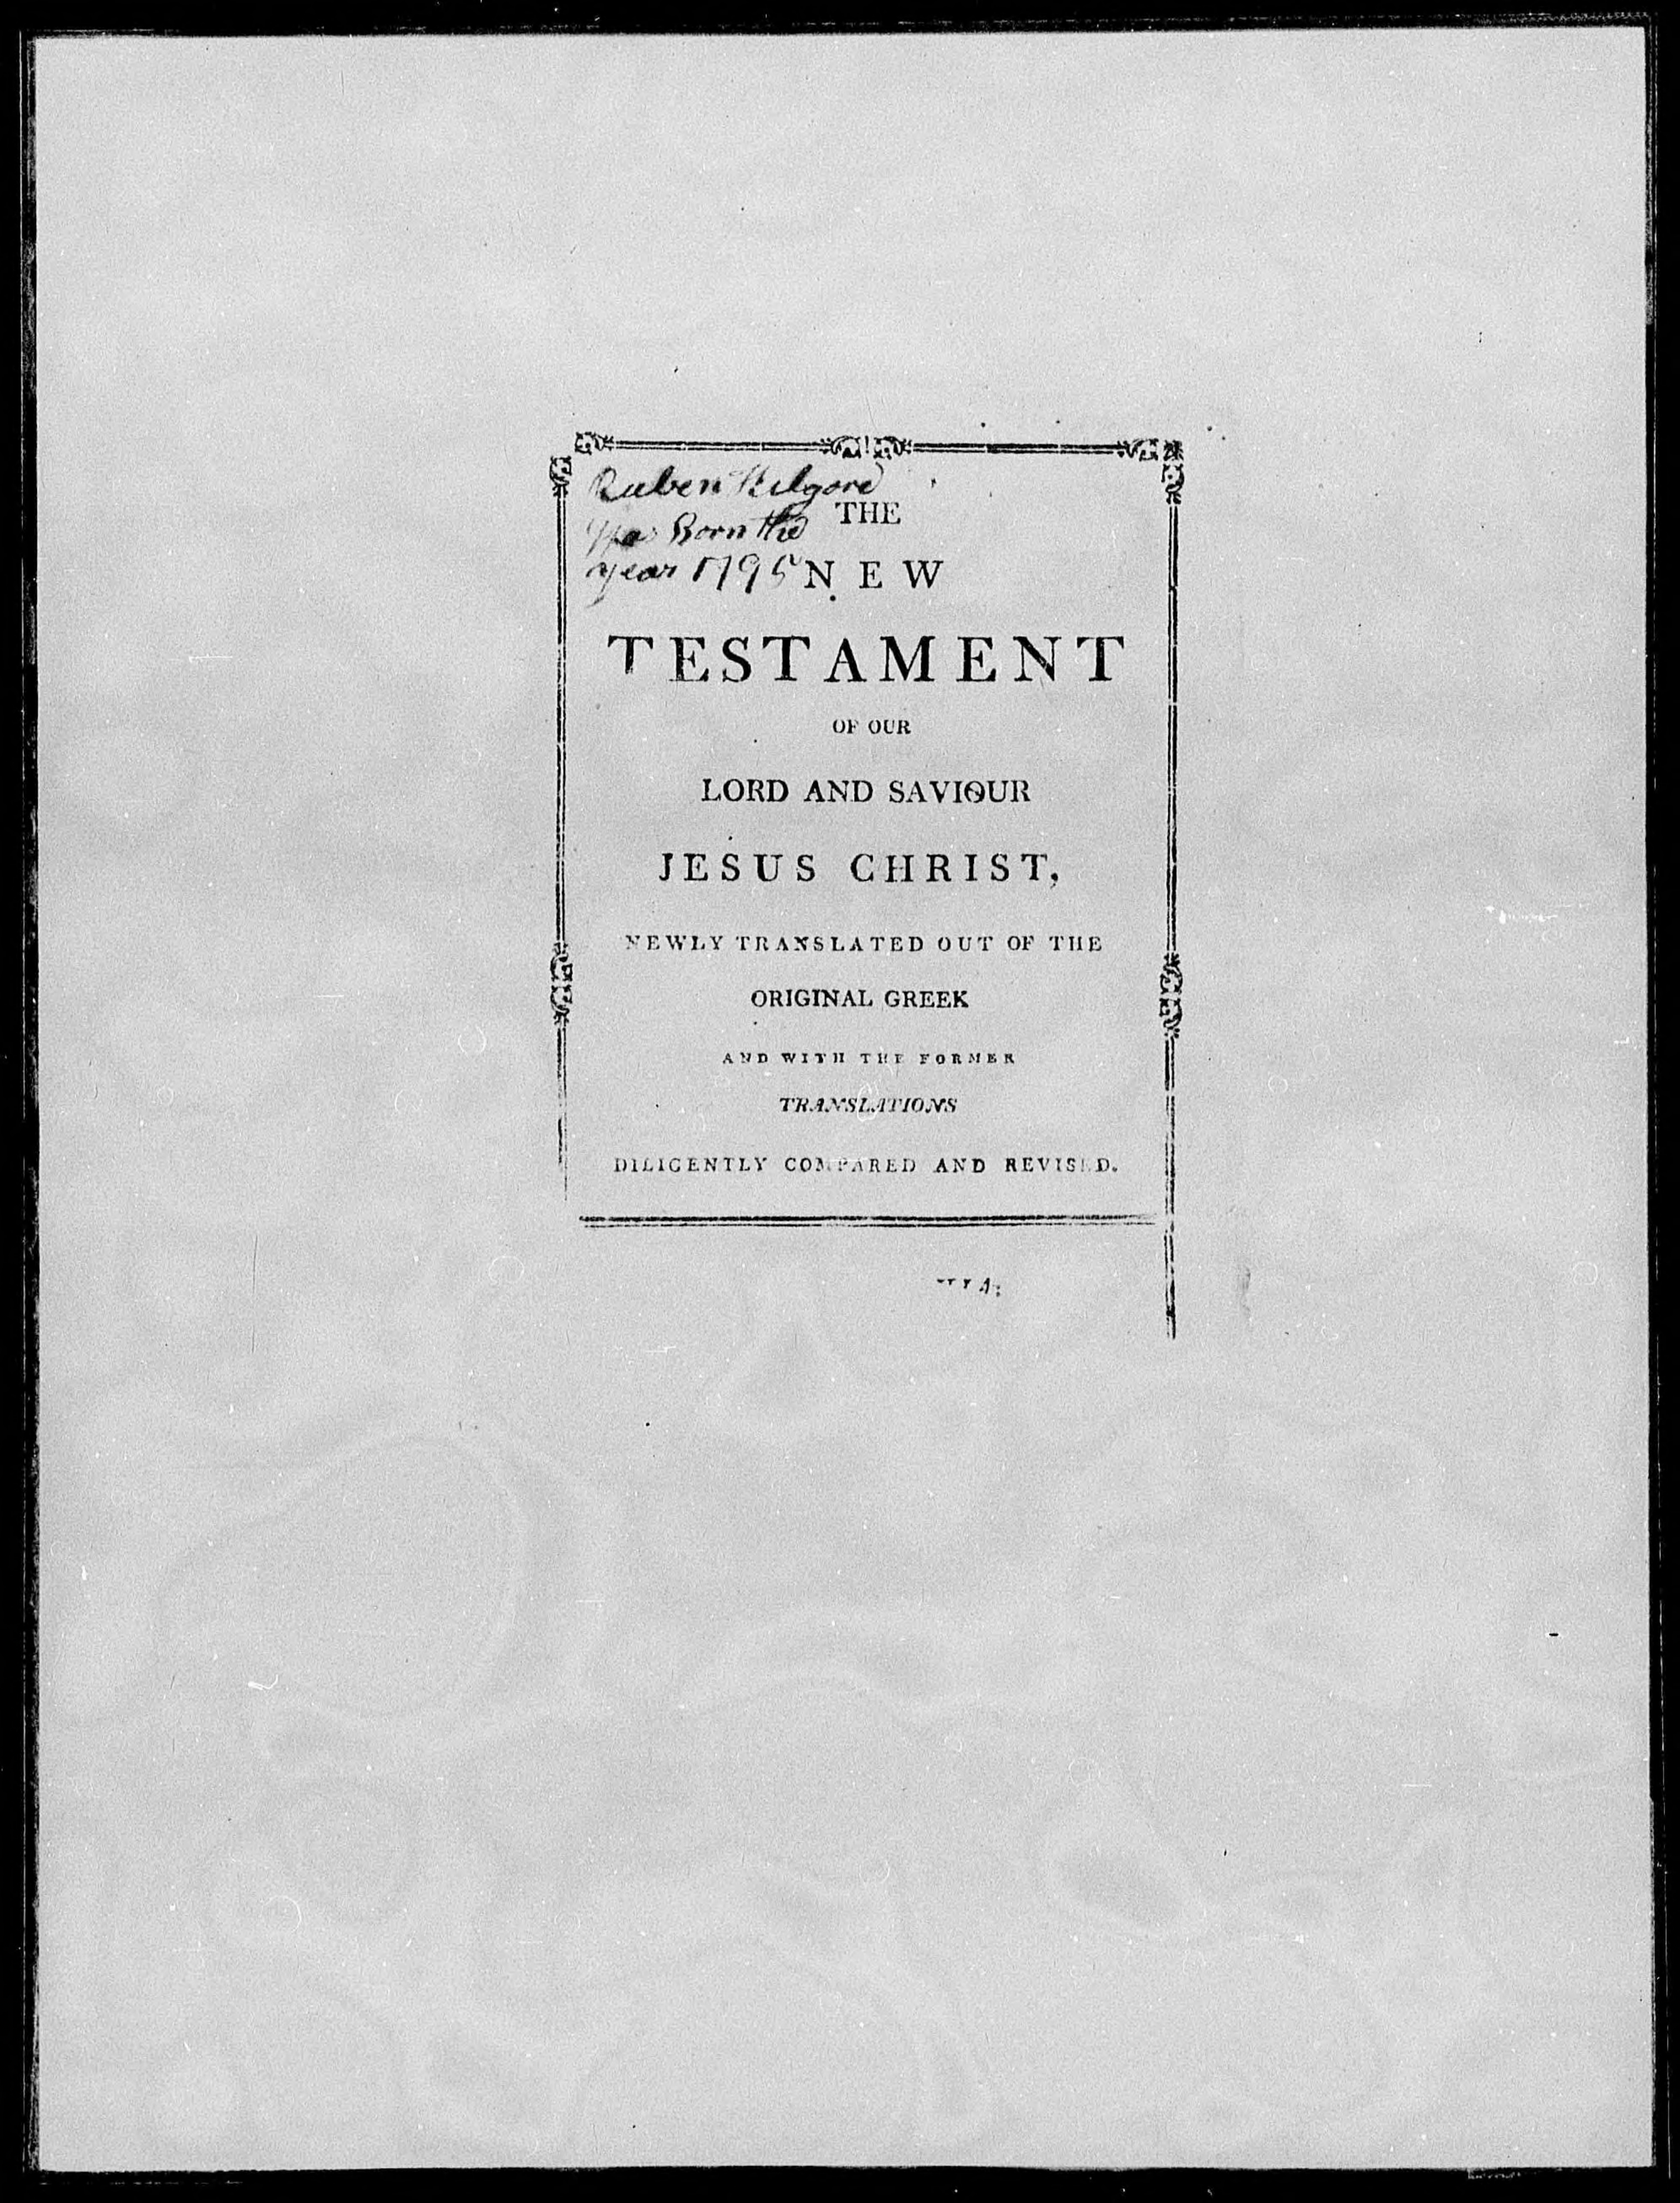Ruben Kilgore was Born the year 1795

THE NEW TESTAMENT OF OUR LORD AND SAVIOUR JESUS CHRIST,
NEWLY TRANSLATED OUT OF THE ORIGINAL GREEK
AND WITH THE FORMER TRANSLATIONS
DILIGENTLY COMPARED AND REVISED.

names: Ruben Kilgore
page: 66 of 115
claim: survivor's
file: S. 699, for Charles Kilgore, Virginia